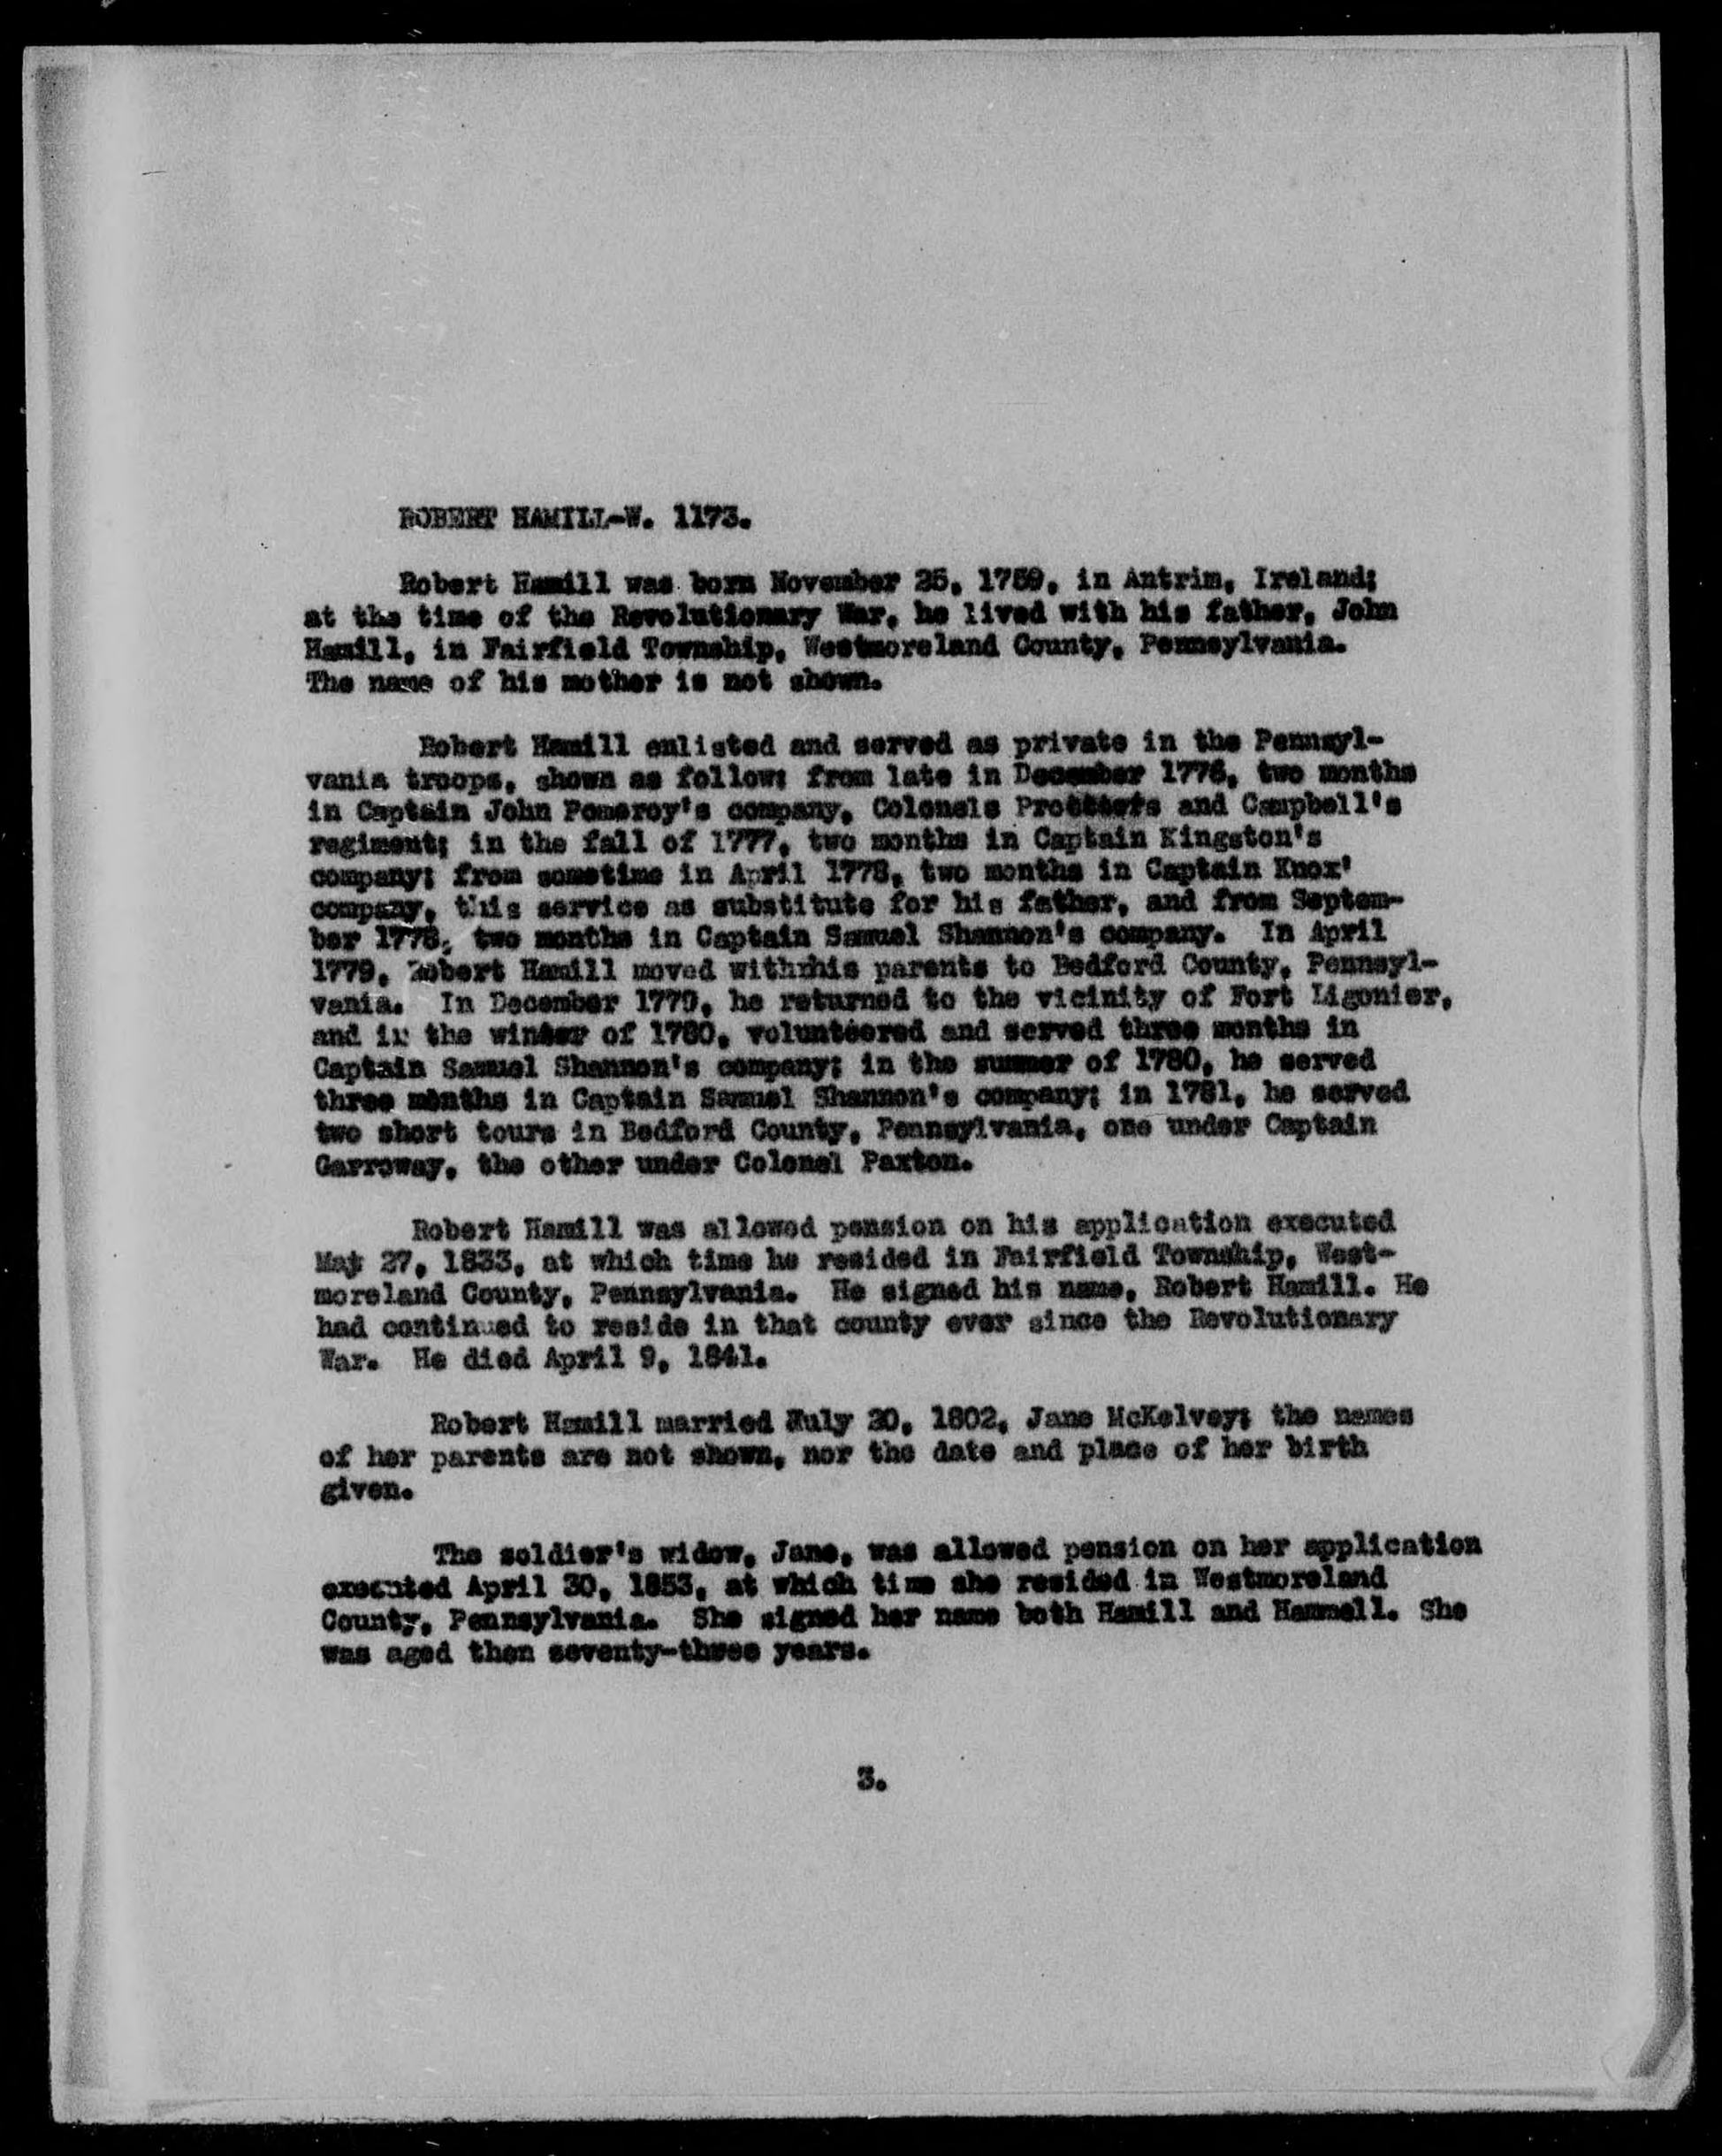2.  ROBERT HAMILL-W.1173.
Robert Hamill was born November 25, 1759, in Antrim, Ireland; at the time of the Revolutionary War, he lived with his father, John Hamill, in Fairfield Township, Westmoreland County, Pennsylvania. The name of his mother is not shown.
Robert Hamill enlisted and served as private in the Pennsylvania troops, shown as follows: from late in December 1776, two months in Captain John Pomeroy's company, Colonels Procter's and Campbell's regiment; in the fall of 1777, two months in Captain Kingston's company; from sometime in April 1778, two moths in Captain Knox's company, this service as substitute for his father, and from September, 1778, two months in Captain Samuel Shannon's company. in April 1779, Robert Hamill moved  with his parents to Bedford County, Pennsylvania. In April 1779, he returned to the vicinity of Fort Ligonier, Captain Samuel Shannon's company; in the summer of 1780, he served three months in Captain Samuel Shannon's company; in 1781; he served two short tours in Bedford County, Pennsylvania , one under Captain Garroway, the other under Colonel Paxton.
Robert Hamill was allowed pension on his application executed May 27, 1833, at which time he resided in Fairfield Township, Westmoreland County, Pennsylvania. He signed his name, Robert Hamill. He had continued to reside in that county ever since the Revolutionary War.  He died April 9, 1841.
Robert Hamill married July 20, 1802, Jane McKelvey; the names of her parents are not shown, nor the date and place of her birth given.
The soldier's widow, Jane, was allowed pension on her application executed April 30, 1853, at which time she resided in Westmoreland County, Pennsylvania.  She signed her name both Hamill and Hammell. She was aged then seventy-three years.
3.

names: Robert Hamill, Garroway, John Hamill, Paxton, Robert Hamill, Jane, Hamill, Hammell, Robert Hamill, Robert Hamill, Jane Mc Kelvey, Robert Hamill, Robert Hamill, Robert Hamill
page: 41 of 92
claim: widow's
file: W 1173, Robert Hamill, Penn.